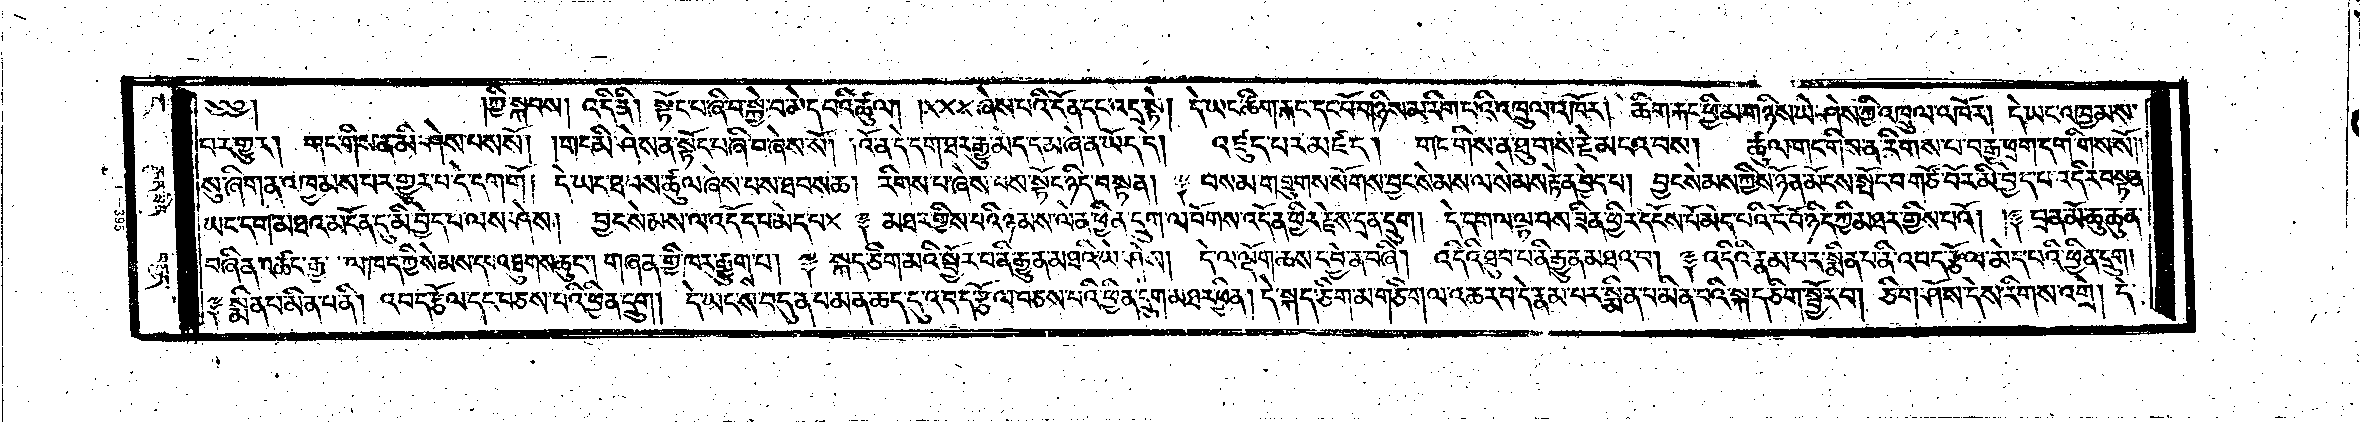༄༅། །ཀྱི་སྐབས། འདི་ནི། སྟོང་པ་ཞི་བ་སྐྱེ་བ་མེད་པའི་ཚུལ། །྾྾྾་ཞེས་པའི་དོན་དང་འདྲ་སྟེ། དེ་ཡང་ཚིག་རྐང་དང་པོ་གཉིས་མ་རིག་པའི་འཁྲུལ་འཁོར། ཚིག་རྐང་ཕྱི་མ་གཉིས་ཡེ་ཤེས་ཀྱི་འཁྲུལ་འཁོར། དེ་ཡང་འཁྱམས་
པར་གྱུར། གང་གིས་ན་མི་ཤེས་པས་སོ། །གང་མི་ཤེས་ན་སྟོང་པ་ཞི་བ་ཞེས་སོ། །འོ་ན་དེ་དག་ཐར་རྒྱུ་མེད་དམ་ཞེ་ན་ཡོད་དེ། འཛུད་པར་མཛད། གང་གིས་ན་ཐུགས་རྗེ་མངའ་བས། ཚུལ་གང་གིས་ན་རིགས་པ་བརྒྱ་ཕྲག་དག་གིས་སོ།།
སུ་ཞིག་ན་འཁྱམས་པར་གྱུར་པ་དེ་དག་གོ། དེ་ཡང་ཐབས་ཚུལ་ཞེས་པས་ཐབས་ཆ། རིགས་པ་ཞེས་པས་སྟོང་ཉིད་བསྟན། ༈ བསམ་གཟུགས་སོགས་བྱང་སེམས་ལ་སེམས་རྟེན་བྱེད་པ། བྱང་སེམས་ཀྱིས་ཉོན་མོངས་སྤོང་བ་གཙོ་བོར་མི་བྱེད་པར་འདིར་བསྟན་
ཡང་དག་མཐའ་མངོན་དུ་མི་བྱེད་པ་ལས་ཤེས། བྱང་སེམས་ལ་འདོད་པ་མེད་པ་྾་༈ མཐར་གྱིས་པའི་ཉམས་ལེན་ཕྱིན་དྲུག་ལ་བོགས་འདོན་ཕྱིར་རྗེས་དྲན་དྲུག །དེ་དག་ལ་ལྟ་བས་ཟིན་ཕྱིར་དངོས་པོ་མེད་པའི་ངོ་བོ་ཉིད་ཀྱི་མཐར་གྱིས་པའོ། ། ༈ བྲན་མོ་ཆུ་ཆུན་
བཞིན་འཚང་རྒྱ་ལ་ཁད་ཀྱི་སེམས་དཔའ་ཐུགས་ཆུང་། གཞན་གྱི་ཁར་རྒྱུགས་པ། ༈ སྐད་ཅིག་མའི་སྦྱོར་བ་ནི་རྒྱུན་མཐའི་ཡེ་ཤེས། དེ་ལ་ལྡོག་ཆས་དབྱེ་ན་བཞི། འདིའི་ཐུབ་པ་ནི་རྒྱུན་མཐའ་པ། ༈ འདིའི་རྣམ་པར་སྨིན་པ་ནི་འབད་རྩོལ་མེད་པའི་ཕྱིན་དྲུག །
༈ སྨིན་པ་མིན་པ་ནི། འབད་རྩོལ་དང་བཅས་པའི་ཕྱིན་དྲུག །དེ་ཡང་ས་བདུན་པ་མན་ཆད་དུ་འབད་རྩོལ་བཅས་པའི་ཕྱིན་དྲུག་མཐར་ཕྱིན། དེ་སྐད་ཅིག་མ་གཅིག་ལ་འཆར་བ་དེ་རྣམ་པར་སྨིན་པ་མིན་པའི་སྐད་ཅིག་སྦྱོར་བ། ཅིག་ཤོས་དེས་རིགས་འགྲེ། དེ་